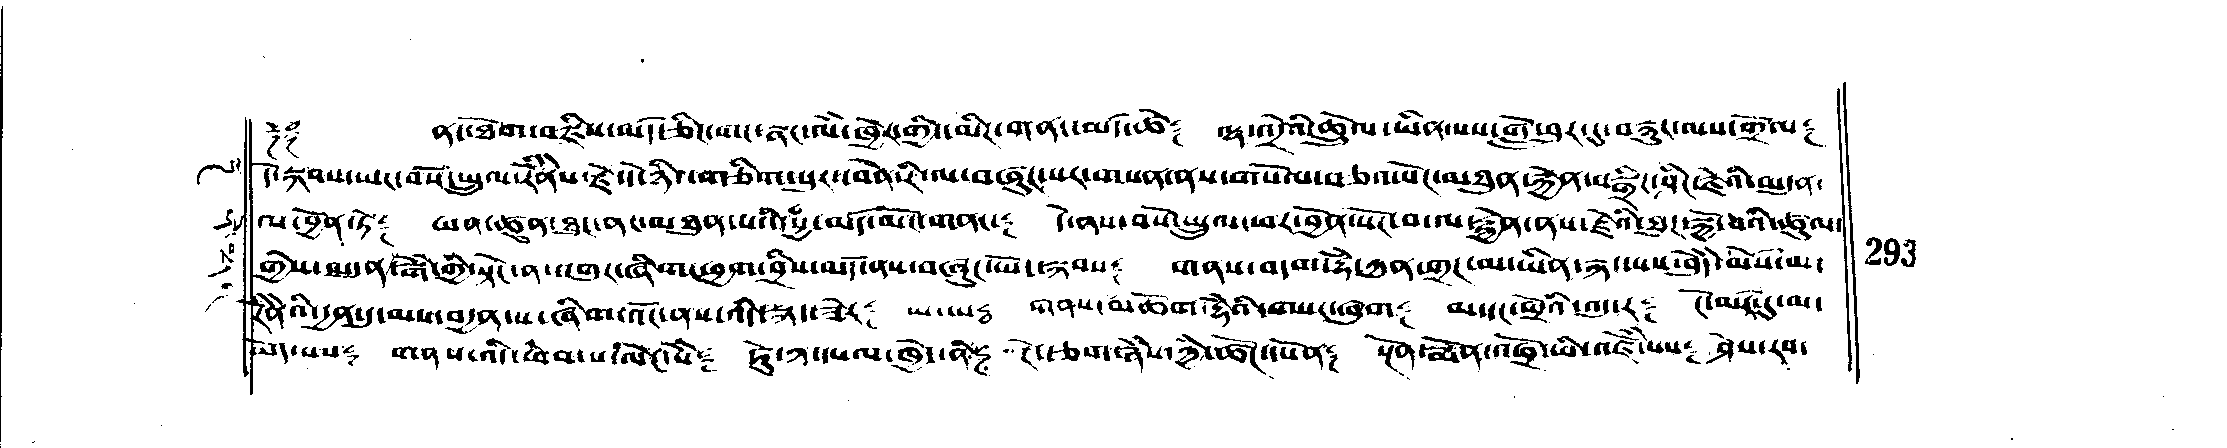ནད་ཐོག་བརྫིས་མཛད་ཅིང་གང་སྣང་ལམ་ཁྱེར་གྱི་དམིགས་གནད་མཛད་ཚེ། ལྷ་འདྲེའི་ཆོ་འཕྲུལ་ཡིན་པས་གློ་བུར་དུ་བསྙུང་ལས་གྲོལ། 
དེ་སྐབས་ཡང་བསོ་སྤྲུལ་རིན་པོ་ཆེས་རྗེ་དེ་ཉིད་གཅིག་པུར་དབེན་རི་ལ་བཞུགས་པར་གསན་ནས་གསོལ་བཅའ་སོགས་མཐུན་རྐྱེན་བསྒྲིགས་ཤིང་རྗེའི་མདུན་
ལ་བྱོན་ཏེ། ཕན་ཚུན་ཐུགས་སྣང་མཐུན་པའི་གསུང་མཛད་མང་པོ་གནང་། དེ་ནས་བསོ་སྤྲུལ་ཕར་བྱོན་སོང་བ་ལ་རྐྱེན་ནས་རྗེའི་ཐུགས་སྐྱོ་བའི་ཚུལ་
གྱིས་མདུན་སྒམ་གྱི་སྟེང་ན་འགུར་ཞིག་ཕྱག་བྲིས་མཛད་ནས་བཞུགས་ཡོད་སྐབས། གནས་བདག་རྡོ་རྗེ་ཀུན་གྲགས་མ་ཡིན་སྐད་པས་བུད་མེད་མཛེས་མ་
རིན་པོ་ཆེའི་རྒྱན་དུ་མས་བརྒྱན་པ་ཞིག་འོང་ནས་འདི་སྐད་ཟེར། ཡ་ཡ། གནས་མཆོག་རྡོ་རྗེའི་གསང་ཁུག །མ་དང་མཁའ་འགྲོའི་འདུ་ར། །ངོ་མཚར་དུ་མ་
ཡོད་པས། །གནས་འདིར་ཕེབས་པ་ལེགས་སོ། །ཧེ་རུ་ཀ་དཔལ་ཁྱེད་ནི། །ངེད་ཅག་རྣམས་ཀྱི་ཚོགས་དཔོན། །སྔོན་སྨོན་འཕྲོ་ཡི་འཛོམ་པས། །ཤེས་རབ་